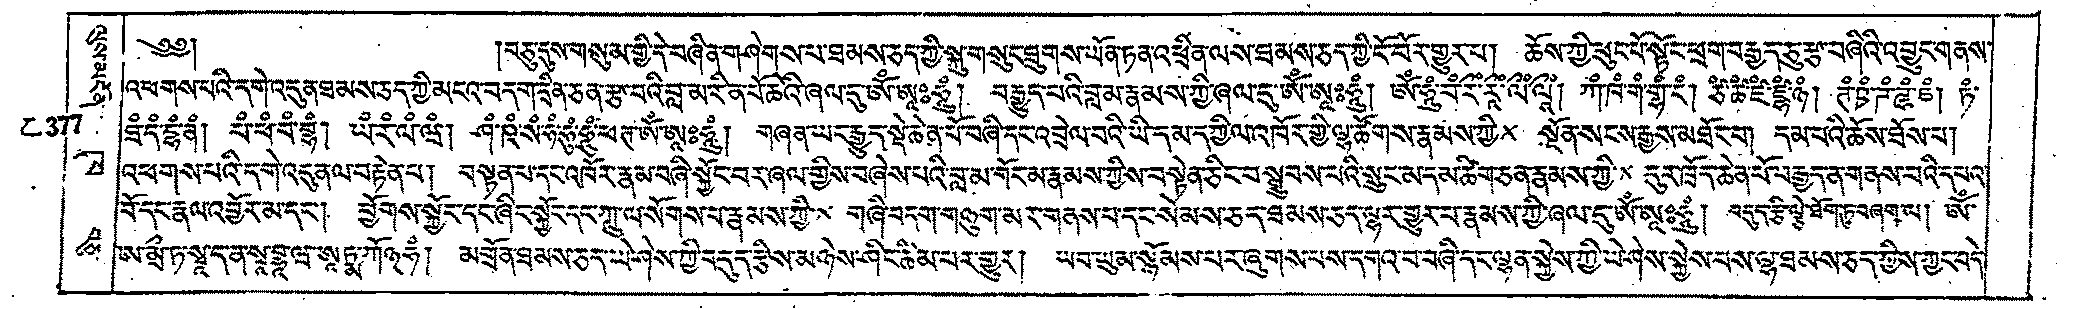༄༅། །བཅུ་དུས་གསུམ་གྱི་དེ་བཞིན་གཤེགས་པ་ཐམས་ཅད་ཀྱི་སྐུ་གསུང་ཐུགས་ཡོན་ཏན་འཕྲིན་ལས་ཐམས་ཅད་ཀྱི་ངོ་བོར་གྱུར་པ། ཆོས་ཀྱི་ཕུང་པོ་སྟོང་ཕྲག་བརྒྱད་ཅུ་རྩ་བཞིའི་འབྱུང་གནས་
འཕགས་པའི་དགེ་འདུན་ཐམས་ཅད་ཀྱི་མངའ་བདག་དྲིན་ཅན་རྩ་བའི་བླ་མ་རིན་པོ་ཆེའི་ཞལ་དུ་ཨོཾ་ཨཱཿཧཱུཾ། བརྒྱད་པའི་བླ་མ་རྣམས་ཀྱི་ཞལ་དུ་ཨོཾ་ཨཱཿཧཱུཾ། ཨོཾ་ཧཱུཾ་བཾ་རྀཾ་རཱྀཾ་ལྀཾ་ལཱྀཾ། ཀཾ་ཁཾ་གཾ་གྷཾ་ངཾ། ཙཾ་ཚཾ་ཛཾ་ཛྷཾ་ཉཾ། ཊཾ་ཊཿཨཾ་ཌཾ་ཌྷཾ་ཎཾ། ཏཾ་
ཐཾ་དཾ་དྷཾ་ནཾ། པཾ་ཕཾ་བཾ་བྷཾ། ཡཾ་རཾ་ལཾ་ཝཾ། ཤཾ་ཥཾ་སཾ་ཧཾ་ཧུཾ་ཕཊ་ཨོཾ་ཨཱཿཧཱུཾ། གཞན་ཡང་རྒྱུད་སྡེ་ཆེན་པོ་བཞི་དང་འབྲེལ་བའི་ཡི་དམ་དཀྱིལ་འཁོར་གྱི་ལྷ་ཚོགས་རྣམས་ཀྱི་྾་སྔོན་སངས་རྒྱས་མཐོང་བ། དམ་པའི་ཆོས་ཐོས་པ།
འཕགས་པའི་དགེ་འདུན་ལ་བརྟེན་པ། བསྟན་པ་དང་འཁོར་རྣམ་བཞི་སྐྱོང་བར་ཞལ་གྱིས་བཞེས་པའི་བླ་མ་གོང་མ་རྣམས་ཀྱིས་བསྟེན་ཅིང་བསྒྲུབས་པའི་སྲུང་མ་དམ་ཚིག་ཅན་རྣམས་ཀྱི་྾་དུར་ཁྲོད་ཆེན་པོ་བརྒྱད་ན་གནས་པའི་དཔའ་
བོ་དང་རྣལ་འབྱོར་མ་དང་། ཕྱོགས་སྐྱོང་དང་ཞིང་སྐྱོང་དང་ཀླུ་ལ་སོགས་པ་རྣམས་ཀྱི་྾་གཞི་བདག་གཉུག་མར་གནས་པ་དང་སེམས་ཅད་ཐམས་ཅད་ལྷར་གྱུར་པ་རྣམས་ཀྱི་ཞལ་དུ་ཨོཾ་ཨཱཿཧཱུཾ། བདུད་རྩི་ལྕེ་ཐོག་ཏུ་བཞག་ལ།  ཨོཾ་
ཨ་མྲྀ་ཏ་སྭཱ་ད་ན་སྭཱ་བྷཱ་ཝཏྨ་ཀོཉྷཾ། མགྲོན་ཐམས་ཅད་ཡེ་ཤེས་ཀྱི་བདུད་རྩིས་མཉེས་ཤིང་ཚིམ་པར་གྱུར། ཡབ་ཡུམ་སྙོམས་པར་ཞུགས་པས་དགའ་བ་བཞི་དང་ལྷན་སྐྱེས་ཀྱི་ཡེ་ཤེས་སྐྱེས་པས་ལྷ་ཐམས་ཅད་ཀྱིས་ཀྱང་བདེ་